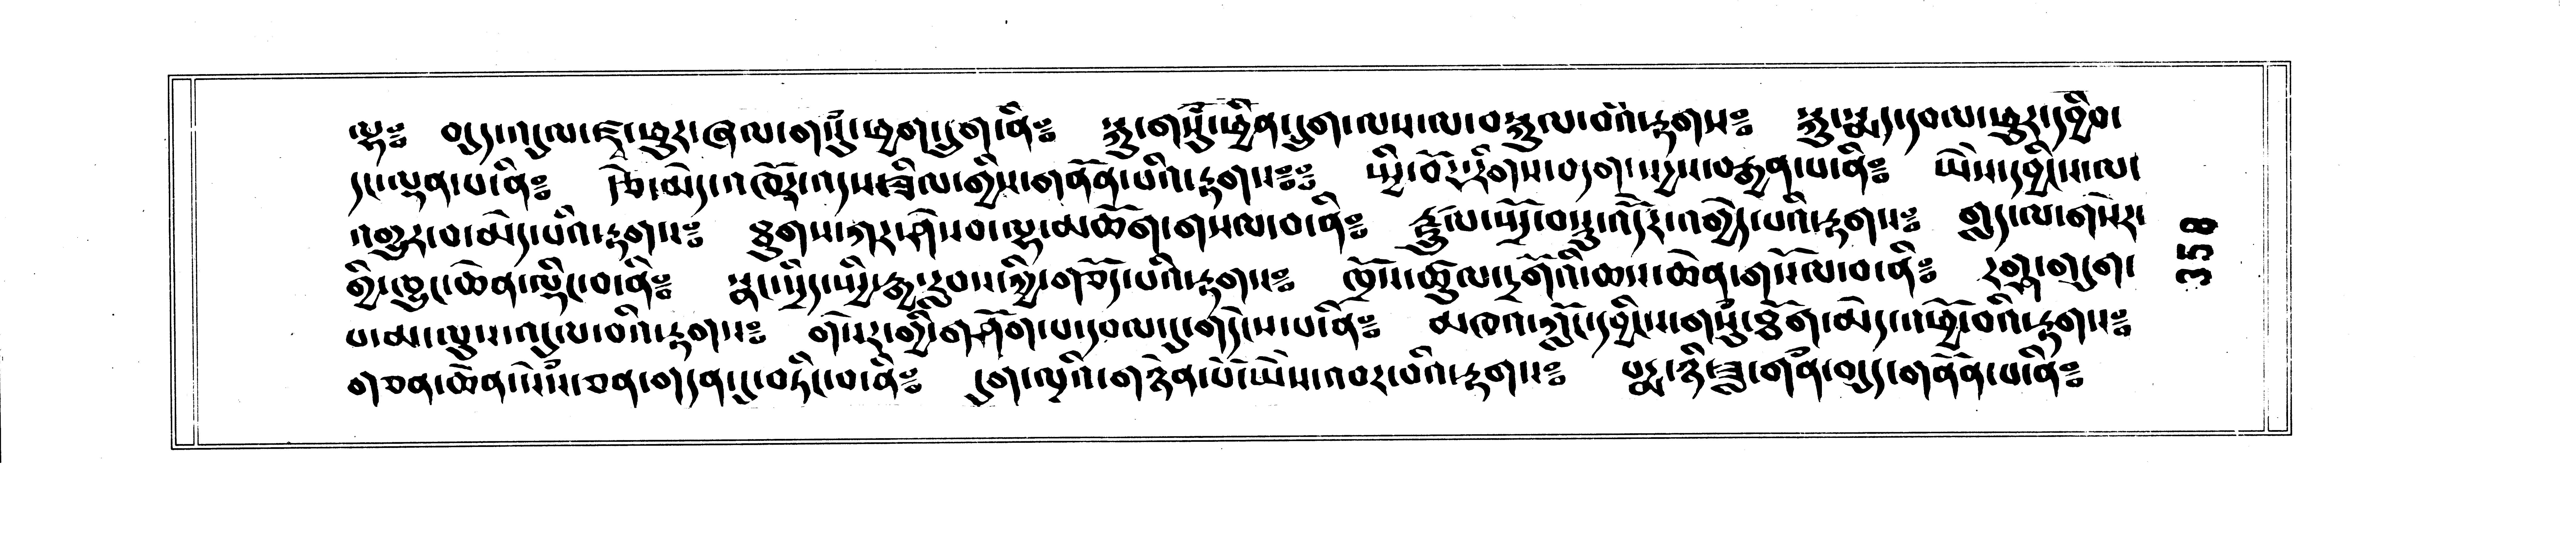ལྷ༔ བདུད་འདུལ་ཛྭ་ཕུར་ཞལ་གསུམ་ཕྱག་དྲུག་ནི༔ སྐུ་གསུམ་ཕྱིན་དྲུག་ལས་ལ་བསྐུལ་བའི་རྟགས༔ སྐུ་སྨད་དབལ་ཕུར་དབྱིབས་
དང་ལྡན་པ་ནི༔ རྩེ་མེད་འཁོར་འདས་ཟིལ་གྱིས་གནོན་པའི་རྟགས༔༔ སྤྱི་བོར་རིགས་བདག་སངས་རྒྱས་བརྒྱན་པ་ནི༔ ཡེ་ཤེས་དབྱིངས་ལ་
འགྱུར་བ་མེད་པའི་རྟགས༔ ཐུགས་ཀར་ཤེས་རིག་ལྷ་མཆོག་གསལ་བ་ནི༔ རྫུ་འཕྲུལ་སྤྲོ་བསྡུ་འོད་ཟེར་འགྱེད་པའི་རྟགས༔ ཀླད་ལ་གསེར་
གྱི་ཁྱུང་ཆེན་ལྡིང་བ་ནི༔ སྣང་སྲིད་སྤྱི་རྒྱ་རླབས་ཀྱིས་གཅོད་པའི་རྟགས༔ ཁྲོས་ཚུལ་དྲག་པོའི་ཆས་ཆེན་གསལ་བ་ནི༔ རགྴ་གདུག་
པ་མ་ལུས་འདུལ་བའི་རྟགས༔ གསེར་གྱི་གཤོག་པ་དབལ་དུ་གདེངས་པ་ནི༔ མཁའ་ཀློང་དབྱིངས་གསུམ་ཐོག་མེད་འཕྱོ་བའི་རྟགས༔ 
གཅན་ཆེན་སེམས་ཅན་གདན་དུ་བཏིང་བ་ནི༔ དུག་ལྔའི་གཉེན་པོ་ཡེ་ཤེས་འབར་བའི་རྟགས༔ པདྨ་ཉི་ཟླ་གནམ་བདུད་གནོན་པ་ནི༔